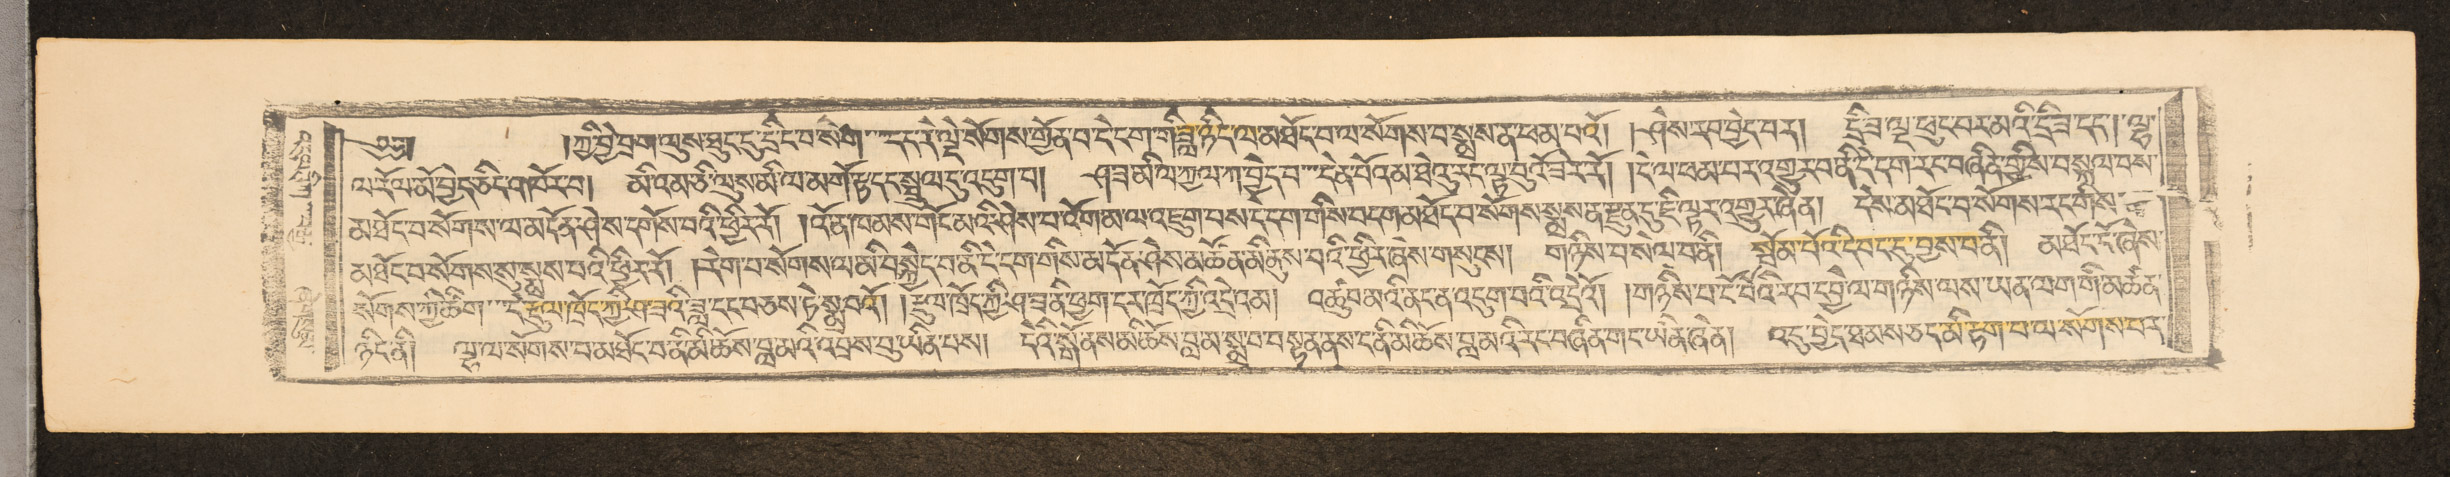༄༅། །ཀྱི་བྱེ་བྲག་ལུས་ཐུང་དུ་དྲི་ང་བ་སེག་དང་རེ་ལྡེ་སོགས་གྱོན་པ་དེ་དག་གི་ཟླ་ཉིད་ལ་མཐོང་བ་ལ་སོགས་པ་སྨྲས་ན་ཕམ་པའོ། །ཤེས་རབ་བྱེད་པར། དྲི་ཟ་ལྔ་ཕུང་བར་མའི་དྲི་ཟ་དང་། ལྷ་
ལ་རོལ་མོ་བྱེད་ཅིང་འཁོར་བ། མི་འམ་ཅི་ལུས་མི་ལ་མགོ་རྟ་དང་སྦྲུལ་དུ་འདུག་པ། ཤ་ཟ་མི་ལ་ཀྱལ་ཀ་བྱེད་པ་དེན་པོའམ་ཐེའུ་རང་ལྟ་བུའོ་ཟེར་རོ། །དེ་ལ་ཕམ་པར་འགྱུར་པ་ནི་དེ་དག་རང་བཞིན་གྱིས་བསྐལ་བས་
མཐོང་བ་སོགས་ལ་མངོན་ཤེས་དགོས་པའི་ཕྱིར་རོ། །འོ་ན་ཁམས་གོང་མའི་ཤེས་པ་འོག་མ་ལ་འཇུག་པས་དེ་དག་གིས་བདག་མཐོང་བ་སོགས་སྨྲས་ན་རྫུན་དུ་ཇི་ལྟར་འགྱུར་ཞེ་ན། དེས་མཐོང་བ་སོགས་རང་གིས་
མཐོང་བ་སོགས་སུ་སྨྲས་པའི་ཕྱིར་རོ། །རེག་པ་སོགས་ལ་མི་བསྐྱེད་པ་ནི་དེ་དག་གིས་མངོན་ཤེས་མཚོན་མི་ནུས་པའི་ཕྱིར་ཞེས་གསུངས། གཉིས་པ་སེལ་བ་ནི། སྦོམ་པོའི་དབང་དུ་བྱས་པ་ནི། མཐོང་ངོ་ཞེས་
སོགས་ཀྱི་ཚིག་དེ་རྡུལ་ཁྲོད་ཀྱི་ཤ་ཟའི་ཟླ་དང་བཅས་ཏེ་སྨྲ་བའོ། །རྡུལ་ཁྲོད་ཀྱི་ཤ་ཟ་ནི་ཕྱག་དར་ཁྲོད་ཀྱི་འདྲེ་འམ། འཚུབ་མའི་ནང་ན་འདུག་པའི་འདྲེའོ། །གཉིས་པ་ངོ་བོའི་རབ་དབྱེ་ལ་གཉིས་ལས་ཡན་ལག་གི་མཚན་
ཉིད་ནི། ལྷ་ལ་སོགས་པ་མཐོང་བ་ནི་མི་ཆོས་བླ་མའི་འབྲས་བུ་ཡིན་པས། དེའི་སྒོ་ནས་མི་ཆོས་བླ་མ་སྨྲ་བ་བསྟན་ནས་ད་ནི་མི་ཆོས་བླ་མའི་རང་བཞིན་གང་ཡིན་ཞེ་ན། འདུ་བྱེད་ཐམས་ཅད་མི་རྟག་པ་ལ་སོགས་པར་